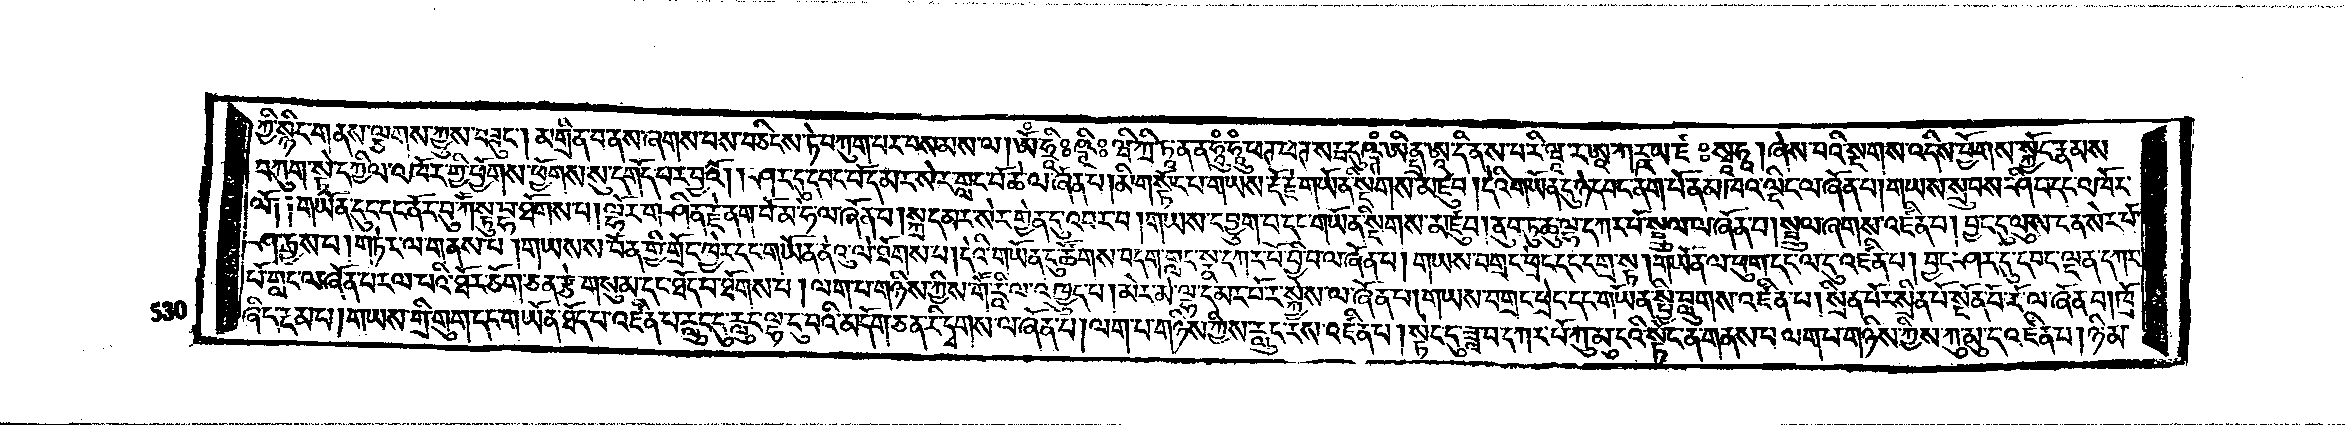ཀྱི་སྙིང་གནས་ལྕགས་ཀྱུས་བཟུང་། མགྲིན་པ་ནས་ཞགས་པས་བཅིངས་ཏེ་བཀུག་པར་བསམས་ལ། ཨོཾ་ཧྲཱིཿ ཥྚྲཱིཿ ཝི་ཀྲི་ཏཱ་ན་ན་ཧཱུཾ་ཧཱུཾ་ཕཊ་ཕཊ་སརྦ་དུཥྚཾ་ཨིནྡྲ་ཨཱ་དི་ན་ས་པ་རི་ཝཱ་ར་ཨཱ་ཀརྵ་ཡ་ཛཿ སྭཱཧཱ། ཞེས་པའི་སྔགས་འདིས་ཕྱོགས་སྐྱོང་རྣམས་
བཀུག་སྟེ་དཀྱིལ་འཁོར་གྱི་ཕྱོགས་ཕྱོགས་སུ་དགོད་པར་བྱའོ། །ཤར་དུ་དབང་པོ་དམར་སེར་གླང་པོ་ཆེ་ལ་ཞོན་པ། མིག་སྟོང་པ་གཡས་རྡོ་རྗེ་གཡོན་སྡིགས་མཛུབ། དེའི་གཡོན་དུ་ཉེ་དབང་ནག་པོ་ནམ་མཁའ་ལྡིང་ལ་ཞོན་པ། གཡས་སྲུབས་ཤིང་དང་འཁོར་
ལོ། །གཡོན་དུང་དང་ནོར་བུ་ཀོ་སྟུ་བྷ་ཐོགས་པ། ལྷོར་བཤིན་རྗེ་ནག་པོ་མ་ཧེ་ལ་ཞོན་པ། སྐྲ་དམར་སེར་གྱེན་དུ་འབར་བ། གཡས་དབྱུག་པ་དང་གཡོན་སྡིགས་མཛུབ། ནུབ་ཏུ་ཆུ་ལྷ་དཀར་པོ་སྤྲུལ་ལ་ཞོན་པ། སྦྲུལ་ཞགས་འཛིན་པ། བྱང་དུ་ལུས་ངན་སེར་པོ་
ཤ་རྒྱས་པ། གཏེར་ལ་གནས་པ། གཡས་ས་བོན་གྱི་གྲོང་ཁྱེར་དང་གཡོན་ནེའུ་ལེ་ཐོགས་པ། དེའི་གཡོན་དུ་ཚོགས་བདག་གླང་སྣ་དཀར་པོ་བྱི་བ་ལ་ཞོན་པ། གཡས་བགྲང་ཕྲེང་དང་དགྲ་སྟེ། གཡོན་ལ་ཕུག་དང་ལ་དུ་འཛིན་པ། བྱང་ཤར་དུ་དབང་ལྡན་དཀར་
པོ་གླང་ལ་ཞོན་པ་རལ་པའི་ཐོར་ཅོག་ཅན་རྩེ་གསུམ་དང་ཐོད་པ་ཐོགས་པ། ལག་པ་གཉིས་ཀྱིས་གཽ་རཱི་ལ་འཁྱུད་པ། མེར་མེ་ལྷ་དམར་པོ་ར་སྐྱེས་ལ་ཞོན་པ། གཡས་བགྲང་ཕྲེང་དང་གཡོན་སྤྱི་བླུགས་འཛིན་པ། སྲིན་པོར་སྲིན་པོ་སྔོན་པོ་རོ་ལ་ཞོན་བ། ཁྲོ་
ཞིང་རྔམ་པ། གཡས་གྲི་གུག་དང་གཡོན་ཐོད་པ་འཛིན་པ་རླུང་དུ་རླུང་ལྷ་དུ་བའི་མདོག་ཅན་རི་དྭགས་ལ་ཞོན་པ། ལག་པ་གཉིས་ཀྱིས་རླུང་རས་འཛིན་པ། སྟེང་དུ་ཟླ་བ་དཀར་པོ་ཀུ་མུ་དའི་སྟེང་ན་གནས་པ་ལག་པ་གཉིས་ཀྱིས་ཀུ་མུ་ད་འཛིན་པ། ཉི་མ་